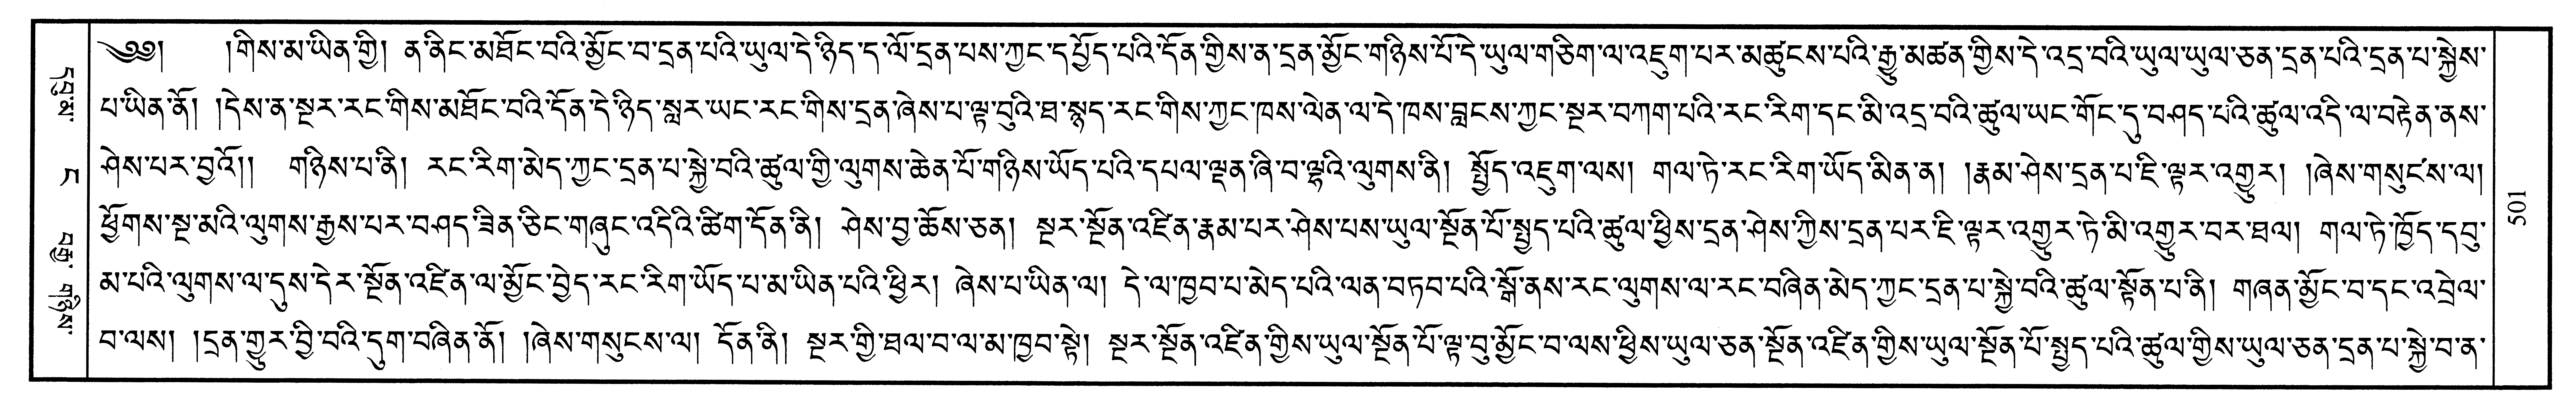༄༅། །གིས་མ་ཡིན་གྱི། ན་ནིང་མཐོང་བའི་མྱོང་བ་དྲན་པའི་ཡུལ་དེ་ཉིད་ད་ལོ་དྲན་པས་ཀྱང་དཔྱོད་པའི་དོན་གྱིས་ན་དྲན་མྱོང་གཉིས་པོ་དེ་ཡུལ་གཅིག་ལ་འཇུག་པར་མཚུངས་པའི་རྒྱུ་མཚན་གྱིས་དེ་འདྲ་བའི་ཡུལ་ཡུལ་ཅན་དྲན་པའི་དྲན་པ་སྐྱེས་
པ་ཡིན་ནོ། །དེས་ན་སྔར་རང་གིས་མཐོང་བའི་དོན་དེ་ཉིད་སླར་ཡང་རང་གིས་དྲན་ཞེས་པ་ལྟ་བུའི་ཐ་སྙད་རང་གིས་ཀྱང་ཁས་ལེན་ལ་དེ་ཁས་བླངས་ཀྱང་སྔར་བཀག་པའི་རང་རིག་དང་མི་འདྲ་བའི་ཚུལ་ཡང་གོང་དུ་བཤད་པའི་ཚུལ་འདི་ལ་བརྟེན་ནས་
ཤེས་པར་བྱའོ། །གཉིས་པ་ནི། རང་རིག་མེད་ཀྱང་དྲན་པ་སྐྱེ་བའི་ཚུལ་གྱི་ལུགས་ཆེན་པོ་གཉིས་ཡོད་པའི་དཔལ་ལྡན་ཞི་བ་ལྷའི་ལུགས་ནི། སྤྱོད་འཇུག་ལས། གལ་ཏེ་རང་རིག་ཡོད་མིན་ན། །རྣམ་ཤེས་དྲན་པ་ཇི་ལྟར་འགྱུར། །ཞེས་གསུངས་ལ།
ཕྱོགས་སྔ་མའི་ལུགས་རྒྱས་པར་བཤད་ཟིན་ཅིང་གཞུང་འདིའི་ཚིག་དོན་ནི། ཤེས་བྱ་ཆོས་ཅན། སྔར་སྔོན་འཛིན་རྣམ་པར་ཤེས་པས་ཡུལ་སྔོན་པོ་སྤྱད་པའི་ཚུལ་ཕྱིས་དྲན་ཤེས་ཀྱིས་དྲན་པར་ཇི་ལྟར་འགྱུར་ཏེ་མི་འགྱུར་བར་ཐལ། གལ་ཏེ་ཁྱོད་དབུ་
མ་པའི་ལུགས་ལ་དུས་དེར་སྔོན་འཛིན་ལ་མྱོང་བྱེད་རང་རིག་ཡོད་པ་མ་ཡིན་པའི་ཕྱིར། ཞེས་པ་ཡིན་ལ། དེ་ལ་ཁྱབ་པ་མེད་པའི་ལན་བཏབ་པའི་སྒོ་ནས་རང་ལུགས་ལ་རང་བཞིན་མེད་ཀྱང་དྲན་པ་སྐྱེ་བའི་ཚུལ་སྟོན་པ་ནི། གཞན་མྱོང་བ་དང་འབྲེལ་
བ་ལས། །དྲན་གྱུར་བྱི་བའི་དུག་བཞིན་ནོ། །ཞེས་གསུངས་ལ། དོན་ནི། སྔར་གྱི་ཐལ་བ་ལ་མ་ཁྱབ་སྟེ། སྔར་སྔོན་འཛིན་གྱིས་ཡུལ་སྔོན་པོ་ལྟ་བུ་མྱོང་བ་ལས་ཕྱིས་ཡུལ་ཅན་སྔོན་འཛིན་གྱིས་ཡུལ་སྔོན་པོ་སྤྱད་པའི་ཚུལ་གྱིས་ཡུལ་ཅན་དྲན་པ་སྐྱེ་བ་ན་